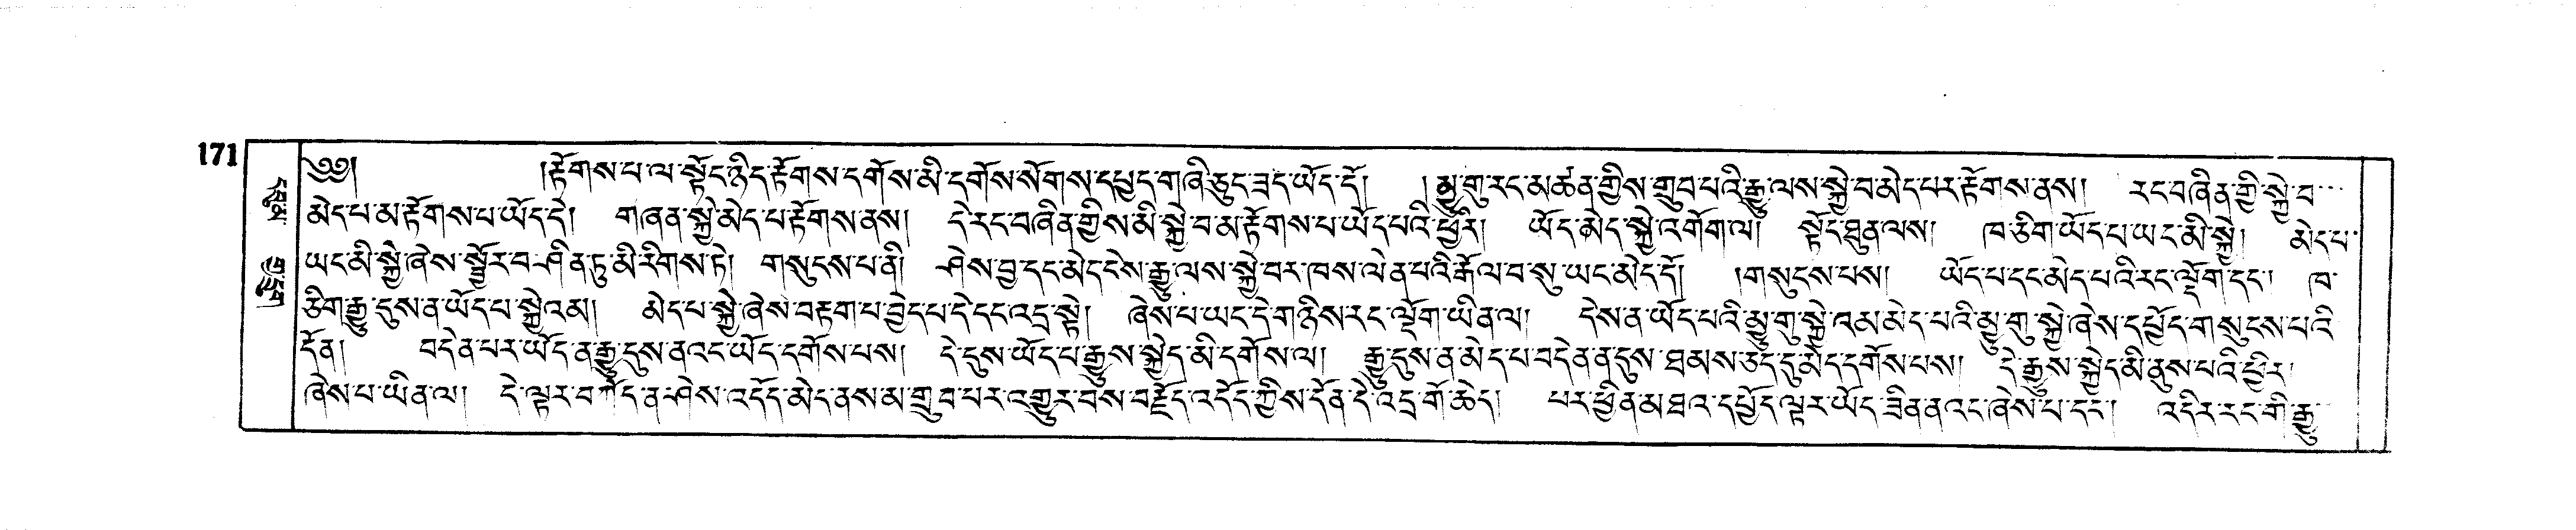༄༅། །རྟོགས་པ་ལ་སྟོང་ཉིད་རྟོགས་དགོས་མི་དགོས་སོགས་དཔྱད་གཞི་ཅུང་ཟད་ཡོད་དོ། །མྱུ་གུ་རང་མཚན་གྱིས་གྲུབ་པའི་རྒྱུ་ལས་སྐྱེ་བ་མེད་པར་རྟོགས་ནས། རང་བཞིན་གྱི་སྐྱེ་བ་
མེད་པ་མ་རྟོགས་པ་ཡོད་དེ། གཞན་སྐྱེ་མེད་པ་རྟོགས་ནས། དེ་རང་བཞིན་གྱིས་མི་སྐྱེ་བ་མ་རྟོགས་པ་ཡོད་པའི་ཕྱིར། ཡོད་མེད་སྐྱེ་འགོག་ལ། སྟོང་ཐུན་ལས། ཁ་ཅིག་ཡོད་པ་ཡང་མི་སྐྱེ། མེད་པ་
ཡང་མི་སྐྱེ་ཞེས་སྦྱོར་བ་ཤིན་ཏུ་མི་རིགས་ཏེ། གསུངས་པ་ནི། ཤེས་བྱ་དང་མེད་ངེས་རྒྱུ་ལས་སྐྱེ་བར་ཁས་ལེན་པའི་རྒོལ་བ་སུ་ཡང་མེད་དོ། །གསུངས་པས། ཡོད་པ་དང་མེད་པའི་རང་ལྡོག་དང་། ཁ་
ཅིག་རྒྱུ་དུས་ན་ཡོད་པ་སྐྱེའམ། མེད་པ་སྐྱེ་ཞེས་བརྟག་པ་བྱེད་པ་དེ་དང་འདྲ་སྟེ། ཞེས་པ་ཡང་དེ་གཉིས་རང་ལྡོག་ཡིན་ལ། དེས་ན་ཡོད་པའི་མྱུ་གུ་སྐྱེ་འམ་མེད་པའི་མྱུ་གུ་སྐྱེ་ཞེས་དཔྱོད་གསུངས་པའི་
དོན། བདེན་པར་ཡོད་ན་རྒྱུ་དུས་ནའང་ཡོད་དགོས་པས། དེ་དུས་ཡོད་པ་རྒྱུས་སྐྱེད་མི་དགོས་ལ། རྒྱུ་དུས་ན་མེད་པ་བདེན་ན་དུས་ཐམས་ཅད་དུ་མེད་དགོས་པས། དེ་རྒྱུས་སྐྱེད་མི་ནུས་པའི་ཕྱིར།
ཞེས་པ་ཡིན་ལ། དེ་ལྟར་བཀོད་ན་ཤེས་འདོད་མེད་ནས་མ་གྲུབ་པར་འགྱུར་བས་བརྗོད་འདོད་ཀྱིས་དོན་དེ་འདྲ་གོ་ཆེད། ཕར་ཕྱིན་མཐའ་དཔྱོད་ལྟར་ཡོད་ཟིན་ནའང་ཞེས་པ་དང་། འདིར་རང་གི་རྒྱུ་